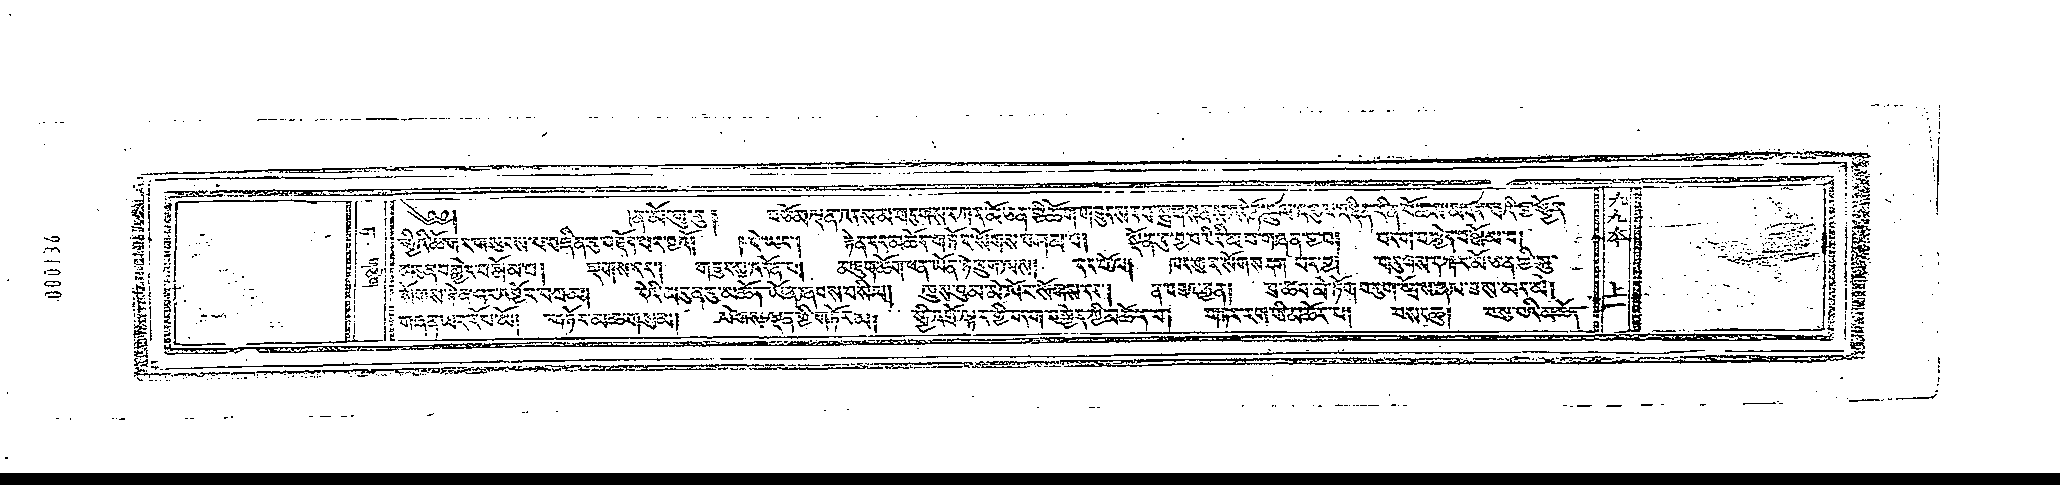༄༅། །ན་མོ་གུ་རུ། བཅོམ་ལྡན་འདས་མ་གདུགས་དཀར་མོ་ཅན་གྱི་ཆོ་ག་གཟུངས་དང་སྤྲགས་ནས་འདོན་ཚུལ་འདུལ་འཛིན་རིན་པོ་ཆེས་མཛད་པའི་བྱ་སྤྱོད་
སྤྱིའི་ཆོ་གར་གསུངས་པ་བཞིན་དུ་བརྗོད་པར་བྱའོ། །དེ་ཡང་། རྟེན་དང་མཆོད་གཏོར་སོགས་བཤམ་པ། སྔོན་དུ་བྱ་བའི་རིམ་པ་གཞན་བྱ་བ། བདག་བསྐྱེད་བསྒོམ་པ།
མདུན་བསྐྱེད་བསྒོམ་པ། སྔགས་དང་། གཟུངས་འདོན་བར་སྦ། མཇུག་ཆོག་པ་ན་ཡོན་ཏེ་དྲུག་ལས། དང་པོ་ལ། ཁང་གུར་སོགས་དག་པར་བྱ། གདུགས་དཀར་མོ་ཅན་གྱི་སྐུ་
སོགས་རྟེན་གང་འབྱོར་བཀྲམ། དེའི་མདུན་དུ་མཆོད་ཡོན་ཞབས་བསིལ། ཁྲུས་བུམ་མེ་ལོང་སོགས་དང་། ན་བཟའ་རྒྱན། དྲི་ཆབ་མེ་ཏོག་བདུག་སྤོས་ཞལ་ཟས་མར་མེ།
གཞན་ཡང་རོལ་མོ། གཏོར་མ་ཆ་གསུམ། ལེགས་ལྡན་གྱི་གཏོར་མ། སྤྱི་འགྲོ་ལྟར་གྱི་བདག་བསྐྱེད་ཀྱི་མཆོད་པ། གཏང་རག་གི་མཆོད་པ། བསང་ཆུ། བསུ་པའི་མཆོད་